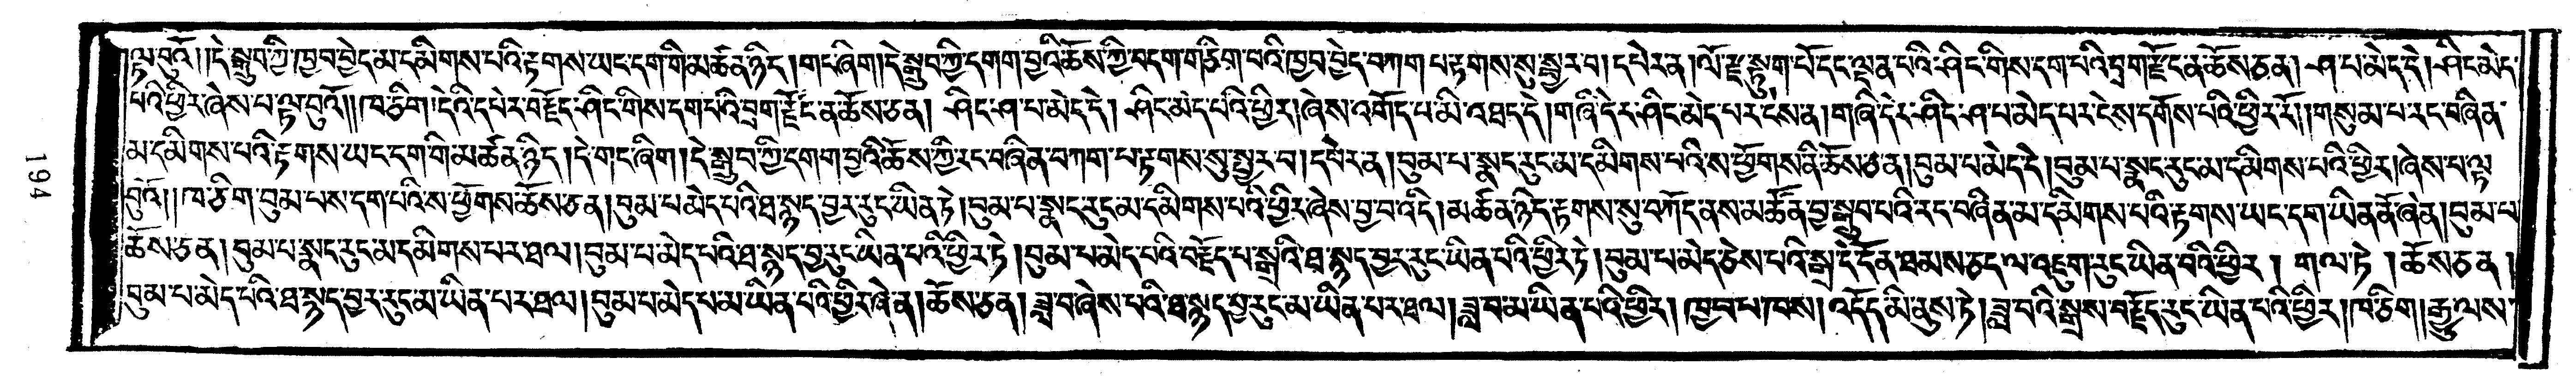ལྟ་བུའོ། །དེ་སྒྲུབ་ཀྱི་ཁྱབ་བྱེད་མ་དམིགས་པའི་རྟགས་ཡང་དག་གི་མཚན་ཉིད། གང་ཞིག །དེ་སྒྲུབ་ཀྱི་དགག་བྱའི་ཆོས་ཀྱི་བདག་གཅིག་པའི་ཁྱབ་བྱེད་བཀག་པ་རྟགས་སུ་སྦྱར་བ། དཔེར་ན། པོ་རྫ་སྟུག་པོ་དང་ལྡན་པའི་ཤིང་གིས་དག་པའི་བྲག་རྫོང་?་ན་ཆོས་ཅན། ཤ་པ་མེད་དེ། ཤིང་མེད་
པའི་ཕྱིར་ཞེས་པ་ལྟ་བུའོ། །ཁ་ཅིག །དེའི་དཔེར་བརྗོད་ཤིང་གིས་དག་པའི་བྲག་རྫོང་ན་ཆོས་ཅན། ཤིང་ཤ་པ་མེད་དེ། ཤིང་མེད་པའི་ཕྱིར། ཞེས་འགོད་པ་མི་འཐད་དེ། གཞི་དེར་ཤིང་མེད་པར་ངེས་ན། གཞི་དེར་ཤིང་ཤ་པ་མེད་པར་ངེས་དགོས་པའི་ཕྱིར་རོ། །གསུམ་པ་རང་བཞིན་
མ་དམིགས་པའི་རྟགས་ཡང་དག་གི་མཚན་ཉིད། དེ་གང་ཞིག །དེ་སྒྲུབ་ཀྱི་དགག་བྱའི་ཆོས་ཀྱི་རང་བཞིན་བཀག་པ་རྟགས་སུ་སྦྱར་བ། དཔེར་ན། བུམ་པ་སྣང་རུང་མ་དམིགས་པའི་ས་ཕྱོགས་ན་ཆོས་ཅན། བུམ་པ་མེད་དེ། བུམ་པ་སྣང་རུང་མ་དམིགས་པའི་ཕྱིར། ཞེས་པ་ལྟ་
བུའོ། །ཁ་ཅིག་བུམ་པས་དག་པའི་ས་ཕྱོགས་ཆོས་ཅན། བུམ་པ་མེད་པའི་ཐ་སྙད་བྱར་རུང་ཡིན་ཏེ། བུམ་པ་སྣང་རུང་མ་དམིགས་པའི་ཕྱིར་ཞེས་བྱ་བ་འདི། མཚན་ཉིད་རྟགས་སུ་བཀོད་ནས་མཚོན་བྱ་སྒྲུབ་པའི་རང་བཞིན་མ་དམིགས་པའི་རྟགས་ཡང་དག་ཡིན་ནོ་ཞེ་ན། བུམ་པ་
ཆོས་ཅན། བུམ་པ་སྣང་རུང་མ་དམིགས་པར་ཐལ། བུམ་པ་མེད་པའི་ཐ་སྙད་བྱ་རུང་ཡིན་པའི་ཕྱིར་ཏེ། བུམ་པ་མེད་པའི་བརྗོད་པ་སྒྲའི་ཐ་སྙད་བྱར་རུང་ཡིན་པའི་ཕྱིར་ཏེ། བུམ་པ་མེད་ཅེས་པའི་སྒྲ་དེ་དོན་ཐམས་ཅད་ལ་འཇུག་རུང་ཡིན་པའི་ཕྱིར། གལ་ཏེ། ཆོས་ཅན།
བུམ་པ་མེད་པའི་ཐ་སྙད་བྱར་རུང་མ་ཡིན་པར་ཐལ། བུམ་པ་མེད་པ་མ་ཡིན་པའི་ཕྱིར་ཞེ་ན། ཆོས་ཅན། ཟླ་བ་ཞེས་པའི་ཐ་སྙད་བྱ་རུང་མ་ཡིན་པར་ཐལ། ཟླ་བ་མ་ཡིན་པའི་ཕྱིར། ཁྱབ་པ་ཁས། འདོད་མི་ནུས་ཏེ། བླ་བའི་སྒྲས་བརྗོད་རུང་ཡིན་པའི་ཕྱིར། ཁ་ཅིག །རྒྱུ་ལས་